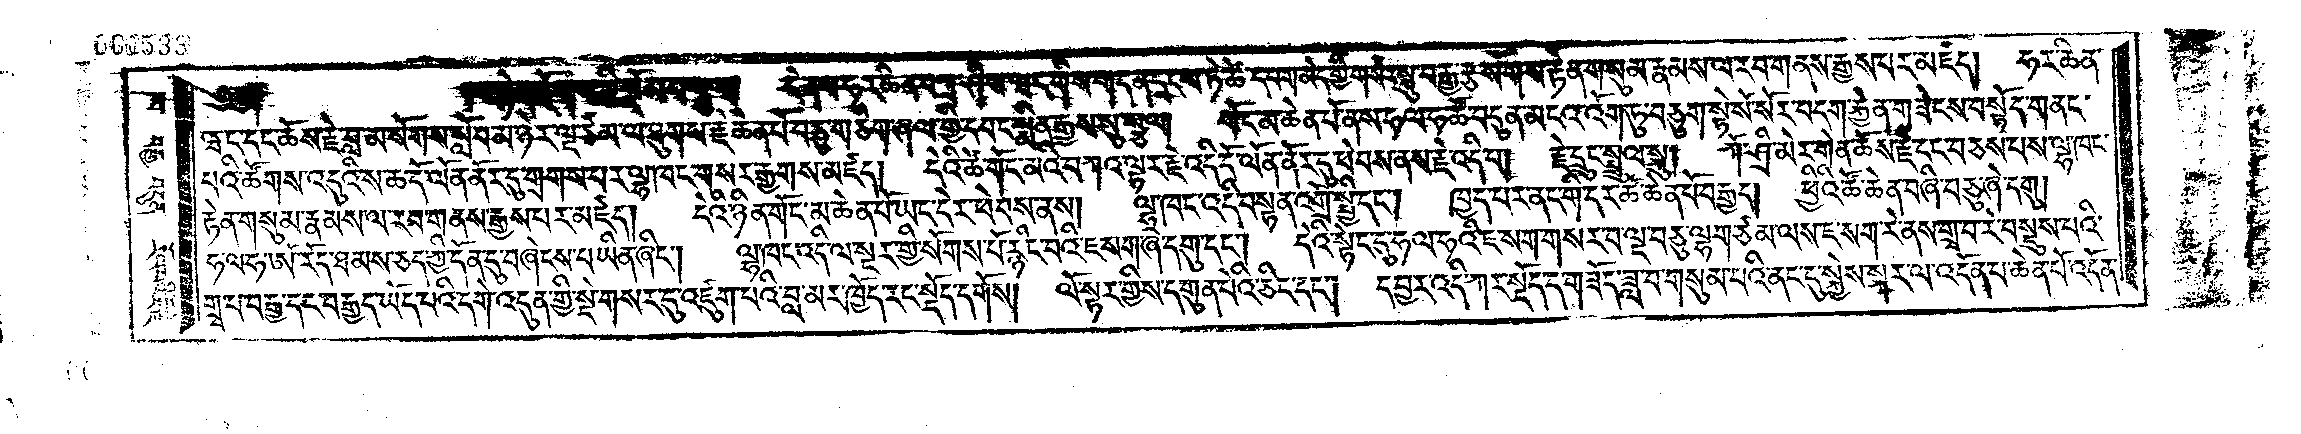༄༅། །བསྙེན་རྫོགས་ཀྱི་སྡོམ་པ་སྩལ། དེ་ནས་ཧར་ཆིན་བཀྲ་ཤིས་ཝང་གིས་གདན་དྲངས་ཏེ་ཚེ་དཔག་མེད་གྱི་གསེར་སྐུ་བརྒྱ་རྩ་སོགས་རྟེན་གསུམ་རྣམས་ལ་རབ་གནས་རྒྱས་པར་མཛད། ཧར་ཆིན་
ཝང་དང་ཆོས་རྗེ་བླ་མ་སོགས་སློབ་མ་ཉེར་ལྔ་ཙམ་ལ་ཐུགས་རྗེ་ཆེན་པོ་བཅུ་གཅིག་ཞལ་གྱི་དབང་སྨིན་རྒྱས་སུ་སྩལ། གོང་མ་ཆེན་པོ་ནས་ཧལ་ཧ་ཚོ་བདུན་མངའ་འོག་ཏུ་བཅུག་སྟེ་སོ་སོར་བདག་རྐྱེན་གཟེངས་བསྟོད་གནང་
པའི་ཚོགས་འདུའི་ས་ཆ་དོ་ལོན་ནོར་དུ་གྲགས་པར་ལྷ་ཁང་གསར་རྒྱགས་མཛད། དེའི་ཚེ་གོང་མའི་བཀའ་ལྟར་རྗེ་འདི་ངོ་ལོན་ནོར་དུ་ཕེབས་ནས་རྗེ་འདི་པ། རྗེ་དྲུང་སྤྲུལ་སྐུ། ཀོ་ཤྲི་མེར་གེན་ཆོས་རྗེ་དང་བཅས་པས་ལྷ་ཁང་
རྟེན་གསུམ་རྣམས་ལ་རབ་གནས་རྒྱས་པར་མཛད། དེའི་ཉིན་གོང་མ་ཆེན་པོ་ཡང་དེར་ཕེབས་ནས། ལྷ་ཁང་འདི་བསྟན་འགྲོ་སྤྱི་དང་། ཁྱད་པར་ནང་གི་དར་ཚ་ཆེན་པོ་བརྒྱད། ཕྱིའི་ཚོ་ཆེན་བཞི་བཅུ་ཞེ་དགུ།
ཧ་ལ་ཧ་ཨོ་རོད་ཐམས་ཅད་ཀྱི་དོན་དུ་བཞེངས་པ་ཡིན་ཞིང་། ལྷ་ཁང་འདི་ལ་སྔར་གྱི་སོགས་པོ་རྙིང་བའི་ཇ་སག་ཞ་དགུ་དང་། དེའི་སྟོང་དུ་ཧལ་ཧའི་ཇ་སག་གསར་བ་ལྔ་བཅུ་ལྷག་ཙམ་ལས་ཇ་སག་རེ་ནས་གྲྭ་བ་རེ་བསྡུས་པའི་
གྲྭ་པ་བརྒྱ་དང་བརྒྱད་ཡོད་པའི་དགེ་འདུན་གྱི་སྡེ་གསར་དུ་འཛུག་པའི་བླ་མར་ཁྱོད་རང་སྡོད་དགོས། ལོ་སྟར་གྱིས་དགུན་པེའི་ཅིང་དང་། དབྱར་འདི་ཀར་སྡོད་ད་གཟོད་ཟླ་བ་གསུམ་པའི་ནང་དུ་སྐྱེས་སྐར་ལ་འདོན་པ་ཆེན་པོ་འདོན་